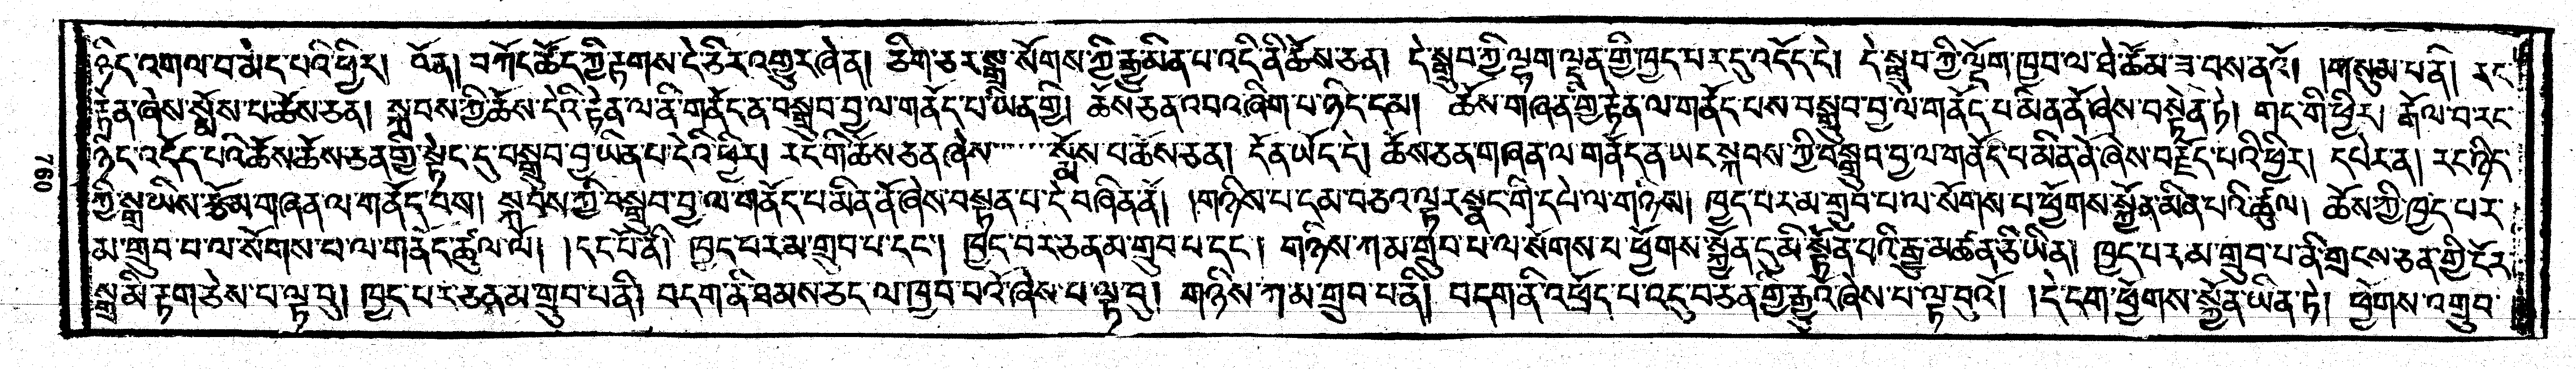ཉིད་འགལ་བ་མེད་པའི་ཕྱིར། འོ་ན། བཀོང་ཚོད་ཀྱི་རྟགས་དེ་ཅིར་འགྱུར་ཞེ་ན། ཅིག་ཅར་སྒྲ་སོགས་ཀྱི་རྒྱུ་མིན་པ་འདི་ནི་ཆོས་ཅན། དེ་སྒྲུབ་ཀྱི་ལྷག་ལྡན་གྱི་ཁྱད་པར་དུ་འདོད་དེ། དེ་སྒྲུབ་ཀྱི་ལྡོག་ཁྱབ་ལ་ཐེ་ཚོམ་ཟ་བས་ནའོ། །གསུམ་པ་ནི། རང་
རྟེན་ཞེས་སྨོས་པ་ཆོས་ཅན། སྐབས་ཀྱི་ཆོས་དེའི་རྟེན་ལ་ནི་གནོད་ན་བསྒྲུབ་བྱ་ལ་གནོད་པ་ཡིན་གྱི། ཆོས་ཅན་འབའ་ཞིག་པ་ཉིད་དམ། ཆོས་གཞན་གྱི་རྟེན་ལ་གནོད་པས་བསྒྲུབ་བྱ་ལ་གནོད་པ་མིན་ནོ་ཞེས་བསྟེན་ཏེ། གང་གི་ཕྱིར། རྒོལ་བ་རང་
ཉིད་འདོད་པའི་ཆོས་ཆོས་ཅན་གྱི་སྟེང་དུ་བསྒྲུབ་བྱ་ཡིན་པ་དེའི་ཕྱིར། རང་གི་ཆོས་ཅན་ཞེས་སྨོས་པ་ཆོས་ཅན། དོན་ཡོད་དེ། ཆོས་ཅན་གཞན་ལ་གནོད་ན་ཡང་སྐབས་ཀྱི་བསྒྲུབ་བྱ་ལ་གནོད་པ་མིན་ནོ་ཞེས་བརྗོད་པའི་ཕྱིར། དཔེར་ན། རང་ཉིད་
ཀྱི་སྒྲ་ཡིས་རྩོམ་གཞན་ལ་གནོད་བས། སྐབས་ཀྱི་བསྒྲུབ་བྱ་ལ་གནོད་པ་མིན་ནོ་ཞེས་བསྟན་པ་དེ་བཞིན་ནོ། །གཉིས་པ་དམ་བཅའ་ལྟར་སྣང་གི་དཔེ་ལ་གཉིས། ཁྱད་པར་མ་གྲུབ་པ་ལ་སོགས་པ་ཕྱོགས་སྐྱོན་མིན་པའི་ཚུལ། ཆོས་ཀྱི་ཁྱད་པར་
མ་གྲུབ་པ་ལ་སོགས་པ་ལ་གནོད་ཚུལ་ལོ། །དང་པོ་ནི། ཁྱད་པར་མ་གྲུབ་པ་དང་། ཁྱད་བར་ཅན་མ་གྲུབ་པ་དང་། གཉིས་ཀ་མ་གྲུབ་པ་ལ་སོགས་པ་ཕྱོགས་སྐྱོན་དུ་མི་སྟོན་པའི་རྒྱུ་མཚན་ཅི་ཡིན། ཁྱད་པར་མ་གྲུབ་པ་ནི་གྲངས་ཅན་གྱི་ངོར་
སྒྲ་མི་རྟག་ཅེས་པ་ལྟ་བུ། ཁྱད་པར་ཅན་མ་གྲུབ་པ་ནི། བདག་ནི་ཐམས་ཅད་ལ་ཁྱབ་པའོ་ཞེས་པ་ལྟ་བུ། གཉིས་ཀ་མ་གྲུབ་པ་ནི། བདག་ནི་འཕྲོད་པ་འདུ་བ་ཅན་གྱི་རྒྱུའོ་ཞེས་པ་ལྟ་བུའོ། །དེ་དག་ཕྱོགས་སྐྱོན་ཡིན་ཏེ། ཕྱོགས་འགྲུབ་